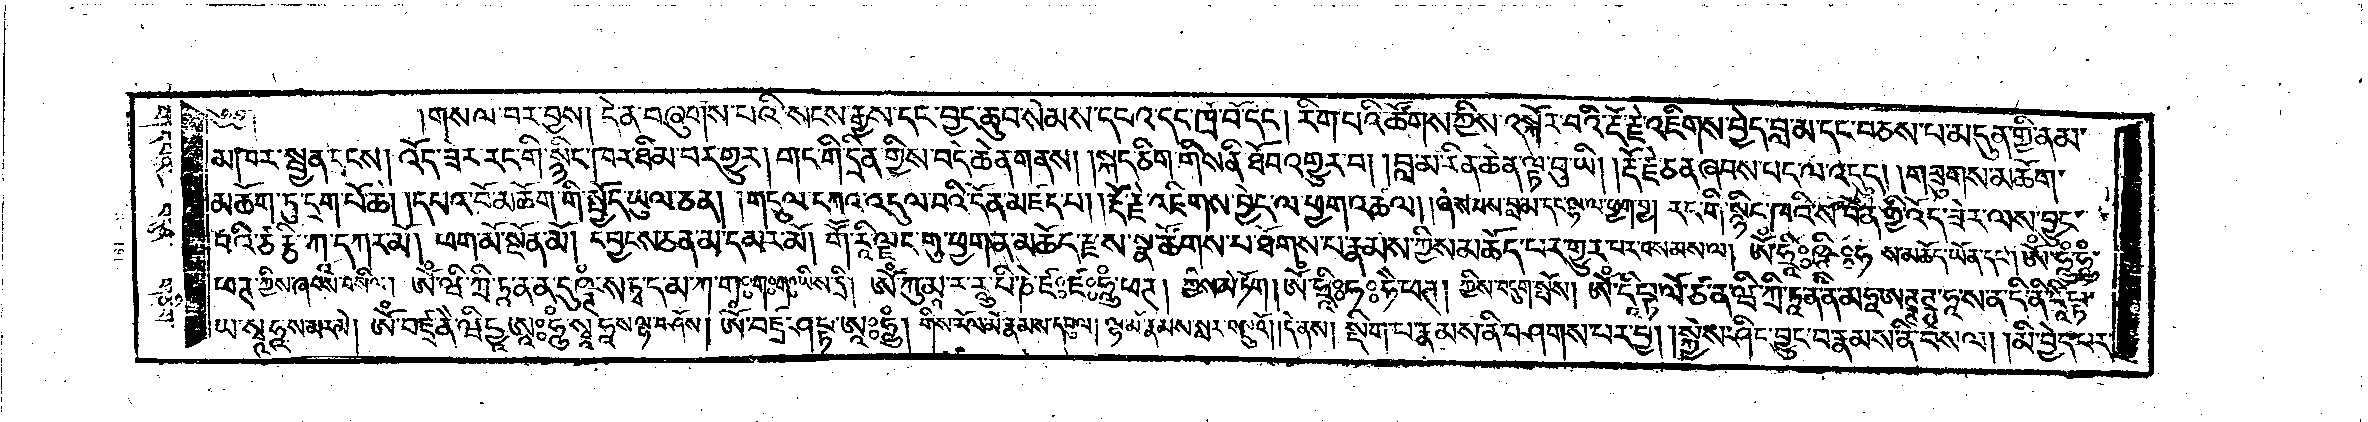༄༅། །གསལ་བར་བྱས། དེ་ན་བཞུགས་པའི་སངས་རྒྱས་དང་བྱང་ཆུབ་སེམས་དཔའ་དང་ཁྲོ་བོ་དང་། རིག་པའི་ཚོགས་ཀྱིས་བསྐོར་བའི་རྡོ་རྗེ་འཇིགས་བྱེད་བླ་མ་དང་བཅས་པ་མདུན་གྱི་ནམ་
མཁར་སྤྱན་དངས། འོད་ཟེར་རང་གི་སྙིང་ཁར་ཐིམ་པར་གྱུར། གང་གི་དྲིན་གྱིས་བདེ་ཆེན་གནས། །སྐད་ཅིག་གིས་ནི་ཐོབ་འགྱུར་བ། །བླ་མ་རིན་ཆེན་ལྟ་བུ་ཡི། །རྡོ་རྗེ་ཅན་ཞབས་པད་ལ་འདུད། །གཟུགས་མཆོག་
མཆོག་ཏུ་དྲག་པོ་ཆེ། །དཔའ་བོ་མཆོག་གི་སྤྱོད་ཡུལ་ཅན། །གདུལ་དཀའ་འདུལ་བའི་དོན་མཛད་པ། །རྡོ་རྗེ་འཇིགས་བྱེད་ལ་ཕྱག་འཚལ། །ཞེས་པས་བླ་མ་དང་ལྟ་ལ་ཕྱག་བྱ། རང་གི་སྙིང་ཁའི་ས་བོན་གྱི་འོད་ཟེར་ལས་བྱུང་
བའི་རྩ་རྩི་ཀཱ་དཀར་མོ། །ཕག་མོ་སྔོན་མོ། དབྱངས་ཅན་མ་དམར་མོ། །གཽ་རའི་ལྗང་གུ་ཕྱག་ན་མཆོད་རྫས་སྣ་ཚོགས་པ་ཐོགས་པ་རྣམས་ཀྱིས་མཆོད་པར་གྱུར་བར་བསམས་ལ། ཨོཾ་ཧྲིཿ ཥྚིཿ ཧ་ས་མཆོད་ཡོན་དང་། ཨོཾ་ཧཱུཾ་ཧཱུཾ་
ཕཊ་ཀྱིས་ཞབས་བསིལ། ཨོཾ་ཝི་ཀྲི་ཏཱ་ན་ན་དུཥྚ་ས་ཏྭ་ད་མ་ཀ་གཿགཿགཿཡིས་དྲི། ཨོཾ་ཀུ་མཱ་ར་རཱུ་པི་ཎེ་ཛཿཛཿཧཱུཾ་ཕཊ། ཀྱིས་བདུག་སྤོས། ཨོཾ་དཱི་པྟ་ལོ་ཟ་ན་ཝི་ཀྲི་ཏ་ན་ནི་མ་ཧ་ཨཊྚ་ཊྚ་ཧཱ་ས་ན་དི་ནི་དཱིཔྟ་
ཡ་སྭཱ་ཧཱ་ས་མར་མེ། ཨོཾ་བཛྲ་ནཻ་ཝིདྱཱ་ཨཱཿཧཱུཾ་སྭ་ཧཱས་ལྷ་བཤོས། ཨོཾ་བཛྲ་ཤྤྟ་ཨཱཿཧཱུཾ། གིས་རོལ་མོ་རྣམས་དབུལ། ལྷ་མོ་རྣམས་སླར་བསྡུའོ། །དེ་ནས། སྡིག་པ་རྣམས་ནི་བཤགས་པར་བྱ། །སྐྱེས་ཤིང་བྱུང་བ་རྣམས་ནི་བསལ། །མི་བྱེད་པར་